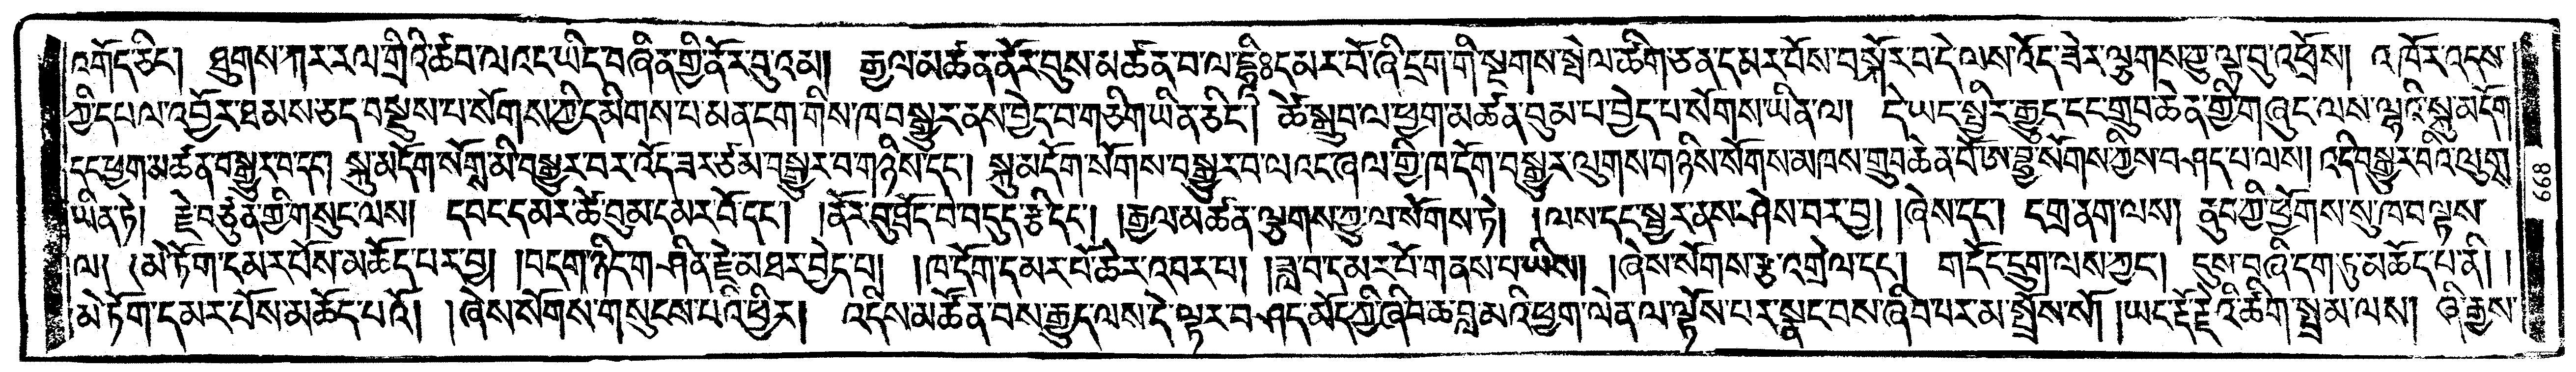འགོད་ཅིང་། ཐུགས་ཀར་རལ་གྲིའི་ཚབ་ལའང་ཡིད་བཞིན་གྱི་ནོར་བུ་འམ། རྒྱལ་མཚན་ནོར་བུས་མཚན་བ་ལ་དྷཱིཿདམར་པོ་ཞི་དྲག་གི་སྔགས་སྤེལ་ཚིག་ཅན་དམར་པོས་བསྐོར་བ་དེ་ལས་འོད་ཟེར་ལྕགས་ཀྱུ་ལྟ་བུ་འཕྲོས། འཁོར་འདས་
ཀྱི་དཔལ་འབྱོར་ཐམས་ཅད་བསྡུས་པ་སོགས་ཀྱི་དམིགས་པ་མན་ངག་གིས་ཁ་བསྒྱུར་ནས་བྱེད་བ་གཅིག་ཡིན་ཅིང་། ཚེ་སྒྲུབ་ལ་ཕྱག་མཚན་བུམ་པ་བྱེད་པ་སོགས་ཡིན་ལ། དེ་ཡང་སྤྱིར་རྒྱུད་དང་གྲུབ་ཆེན་གྱི་གཞུང་ལས་ལྷའི་སྐུ་མདོག་
དང་ཕྱག་མཚན་བསྒྱུར་བ་དང་། སྐུ་མདོག་སོགས་མི་བསྒྱུར་བར་འོད་ཟེར་ཙམ་བསྒྱུར་བ་གཉིས་དང་། སྐུ་མདོག་སོགས་བསྒྱུར་བ་ལའང་ཞལ་གྱི་ཁ་དོག་བསྒྱུར་ལུགས་གཉིས་སོགས་མཁས་གྲུབ་ཆེན་པོ་ཨ་བྷྱ་སོགས་ཀྱིས་བཤད་པ་ལས། འདི་བསྒྱུར་བའི་ལུགས་
ཡིན་ཏེ། རྗེ་བཙུན་གྱི་གསུང་ལས། དབང་དམར་ཚེ་བུམ་དམར་པོ་དང་། །ནོར་བུ་ཐོད་པ་བདུད་རྩི་དང་། །རྒྱལ་མཚན་ལྕགས་ཀྱུ་ལ་སོགས་ཏེ། །ལས་དང་སྦྱར་ནས་ཤེས་པར་བྱ། །ཞེས་དང་། དགྲ་ནག་ལས། ནུབ་ཀྱི་ཕྱོགས་སུ་ཁ་བལྟས་
ལ༑ ༑མེ་ཏོག་དམར་པོས་མཆོད་པར་བྱ། །བདག་ཉིད་གཤིན་རྗེ་མཐར་བྱེད་པ། །ཁ་དོག་དམར་པོ་ཆེར་འབར་བ། །ཟླ་བ་དམར་པོ་གནས་པ་ཡིས། །ཞེས་སོགས་རྩ་འགྲེལ་དང་། གདོང་དྲུག་ལས་ཀྱང་། དུས་བཞི་དག་ཏུ་མཆོད་པ་ནི། །
མེ་ཏོག་དམར་པོས་མཆོད་པའོ། །ཞེས་སོགས་གསུངས་པའི་ཕྱིར། འདིས་མཚོན་བས་རྒྱུད་ལས་དེ་ལྟར་བཤད་མོད་ཀྱི་ཞིབ་ཆ་བླ་མའི་ཕྱག་ལེན་ལ་ལྟོས་པར་སྣང་བས་ཞིབ་པར་མ་སྤྲོས་སོ། །ཡང་རྡོ་རྗེའི་ཚིག་སྤྲམ་ལས། ཞི་རྒྱས་